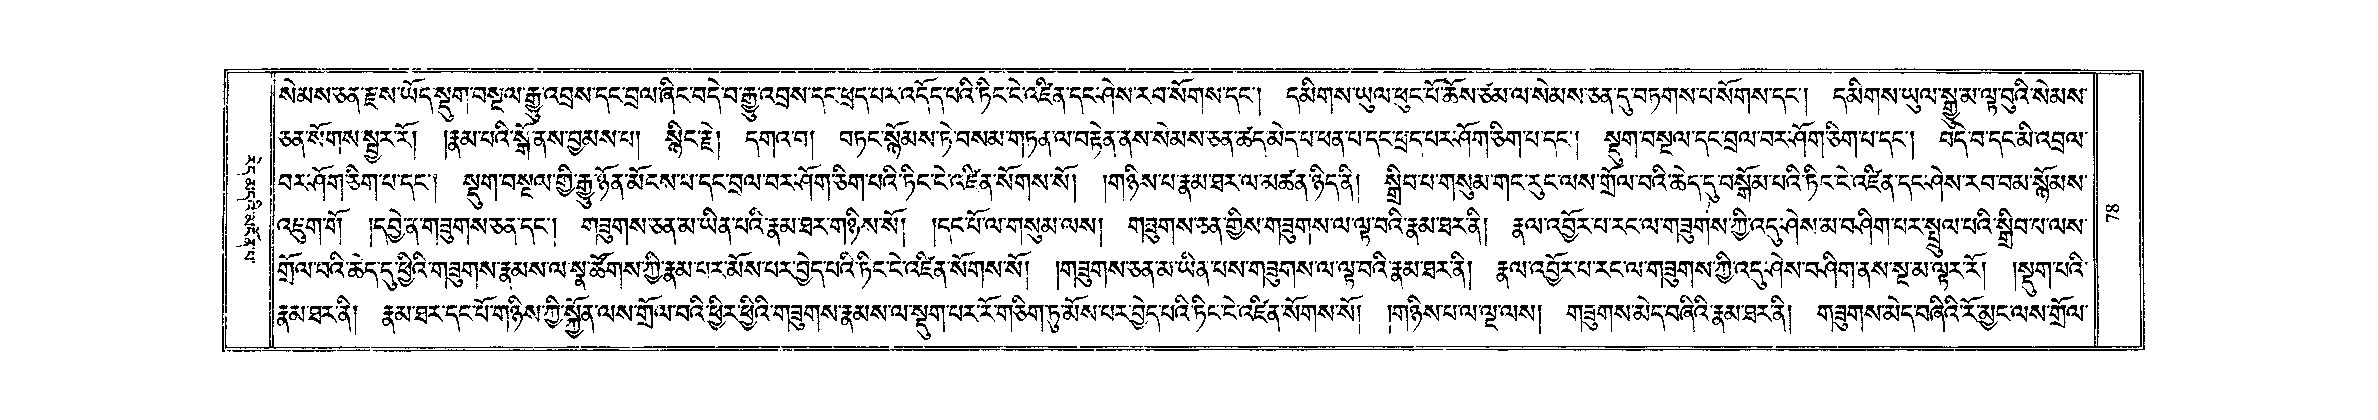སེམས་ཅན་རྫས་ཡོད་སྡུག་བསྔལ་རྒྱུ་འབྲས་དང་བྲལ་ཞིང་བདེ་བ་རྒྱུ་འབྲས་དང་ཕྲད་པར་འདོད་པའི་ཏིང་ངེ་འཛིན་དང་ཤེས་རབ་སོགས་དང་། དམིགས་ཡུལ་ཕུང་པོ་ཆོས་ཙམ་ལ་སེམས་ཅན་དུ་བཏགས་པ་སོགས་དང་། དམིགས་ཡུལ་སྒྱུ་མ་ལྟ་བུའི་སེམས་
ཅན་སོགས་སྦྱར་རོ། །རྣམ་པའི་སྒོ་ནས་བྱམས་པ། སྙིང་རྗེ། དགའ་བ། བཏང་སྙོམས་ཏེ་བསམ་གཏན་ལ་བརྟེན་ནས་སེམས་ཅན་ཚད་མེད་པ་ཕན་པ་དང་ཕྲད་པར་ཤོག་ཅིག་པ་དང་། སྡུག་བསྔལ་དང་བྲལ་བར་ཤོག་ཅིག་པ་དང་། བདེ་བ་དང་མི་འབྲལ་
བར་ཤོག་ཅིག་པ་དང་། སྡུག་བསྔལ་གྱི་རྒྱུ་ཉོན་མོངས་པ་དང་བྲལ་བར་ཤོག་ཅིག་པའི་ཏིང་ངེ་འཛིན་སོགས་སོ། །གཉིས་པ་རྣམ་ཐར་ལ་མཚན་ཉིད་ནི། སྒྲིབ་པ་གསུམ་གང་རུང་ལས་གྲོལ་བའི་ཆེད་དུ་བསྒོམ་པའི་ཏིང་ངེ་འཛིན་དང་ཤེས་རབ་བམ་སྙོམས་
འཇུག་གོ །དབྱེ་ན་གཟུགས་ཅན་དང་། གཟུགས་ཅན་མ་ཡིན་པའི་རྣམ་ཐར་གཉིས་སོ། །དང་པོ་ལ་གསུམ་ལས། གཟུགས་ཅན་གྱིས་གཟུགས་ལ་ལྟ་བའི་རྣམ་ཐར་ནི། རྣལ་འབྱོར་པ་རང་ལ་གཟུགས་ཀྱི་འདུ་ཤེས་མ་བཤིག་པར་སྤྲུལ་པའི་སྒྲིབ་པ་ལས་
གྲོལ་བའི་ཆེད་དུ་ཕྱིའི་གཟུགས་རྣམས་ལ་སྣ་ཚོགས་ཀྱི་རྣམ་པར་མོས་པར་བྱེད་པའི་ཏིང་ངེ་འཛིན་སོགས་སོ། །གཟུགས་ཅན་མ་ཡིན་པས་གཟུགས་ལ་ལྟ་བའི་རྣམ་ཐར་ནི། རྣལ་འབྱོར་པ་རང་ལ་གཟུགས་ཀྱི་འདུ་ཤེས་བཤིག་ནས་སྔ་མ་ལྟར་རོ། །སྡུག་པའི་
རྣམ་ཐར་ནི། རྣམ་ཐར་དང་པོ་གཉིས་ཀྱི་སྐྱོན་ལས་གྲོལ་བའི་ཕྱིར་ཕྱིའི་གཟུགས་རྣམས་ལ་སྡུག་པར་རོ་གཅིག་ཏུ་མོས་པར་བྱེད་པའི་ཏིང་ངེ་འཛིན་སོགས་སོ། །གཉིས་པ་ལ་ལྔ་ལས། གཟུགས་མེད་བཞིའི་རྣམ་ཐར་ནི། གཟུགས་མེད་བཞིའི་རོ་མྱང་ལས་གྲོལ་